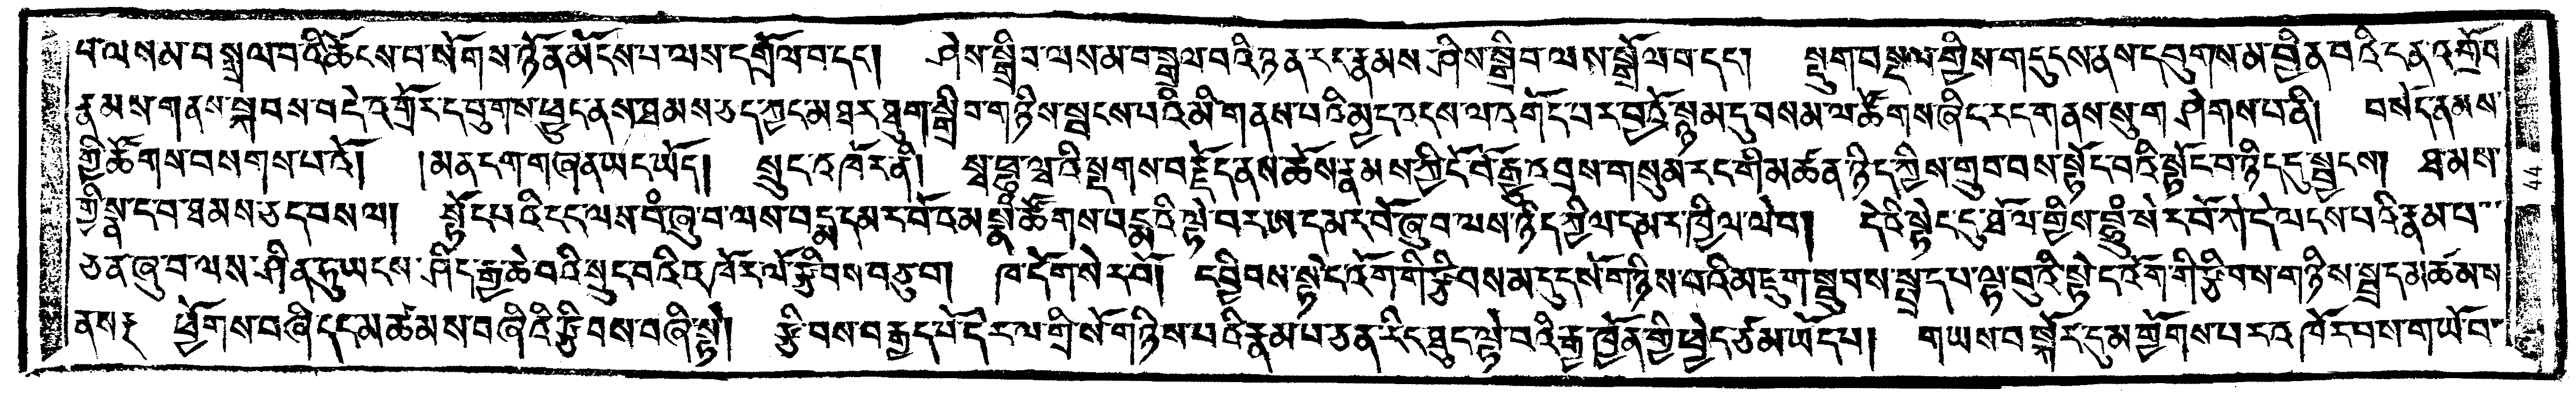པ་ལས་མ་བསྒྲལ་བའི་ཆོངས་བ་སོགས་ཉོན་མོངས་པ་ལས་དགྲོལ་བ་དང་། ཤེས་སྒྲིབ་ལས་མ་བསྒྲལ་བའི་ཉན་རང་རྣམས་ཤེས་སྒྲིབ་ལས་སྒྲོལ་བ་དང་། སྡུག་བསྔལ་གྱིས་གདུངས་ནས་དབུགས་མ་བྱིན་པའི་ངན་འགྲོ་བ་
རྣམས་གནས་སྐབས་བདེ་འགྲོར་དབུགས་ཕྱུང་ནས་ཐམས་ཅད་ཀྱང་མཐར་ཐུག་སྒྲིབ་གཉིས་སྤངས་པའི་མི་གནས་པའི་མྱང་འདས་ལ་འགོད་པར་བྱའོ་སྙམ་དུ་བསམ་ལ་ཚོགས་ཞིང་རང་གནས་སུ་གཤེགས་པ་ནི། བསོད་ནམས་
གྱི་ཚོགས་བསགས་པའོ། །མན་ངག་གཞན་ཡང་ཡོད། སྲུང་འཁོར་ནི། སྭ་བྷཱ་ཝའི་སྔགས་བརྗོད་ནས་ཆོས་རྣམས་ཀྱི་ངོ་བོ་རྒྱུ་འབྲས་གསུམ་རང་གི་མཚན་ཉིད་ཀྱིས་གྲུབ་པས་སྟོང་བའི་སྟོང་པ་ཉིད་དུ་སྦྱངས། ཐ་མས་
གྱི་སྣང་བ་ཐམས་ཅད་བསལ། སྟོང་པའི་ངང་ལས་བཾ་ཞུ་བ་ལས་པདམ་དམར་པོ་འམ་སྣ་ཚོགས་པདམའི་ལྟེ་བར་ཨ་དམར་པོ་ཞུ་བ་ལས་ཉིད་ཀྱི་ལ་དམར་ཁྱིལ་ལེབ། དེའི་སྟེང་དུ་ཐོ་ལ་གྱིས་བྷྲུཾ་སེར་པོ་ཀེ་དེ་ལངས་པའི་རྣམ་པ་
ཅན་ཞུ་བ་ལས་ཤིན་ཏུ་ཡངས་ཤིང་རྒྱ་ཆེ་བའི་སྲུང་བའི་འཁོར་ལོ་རྩིབས་བཅུ་པ། ཁ་དོག་སེར་པོ། དབྱིབས་སྟེང་འོག་གི་རྩིབས་མདུད་སོ་གཉིས་པའི་མཇུག་སྦུབས་སྤྲད་པ་ལྟ་བུའི་སྟེང་འོག་གི་རྩིབས་གཉིས་སྤྲད་མཚམས་
ནས༑ ཕྱོགས་བཞི་དང་མཚམས་བཞིའི་རྩིབས་བཞི་སྟེ། རྩིབས་བརྒྱད་པོ་དེར་ལ་གྲི་སོ་གཉིས་པའི་རྣམ་པ་ཅན་རིང་ཐུང་ལྟེ་བའི་རྒྱ་ཁྱོན་གྱི་ཕྱེད་ཙམ་ཡོད་པ། གཡས་བསྐོར་དུ་མགྱོགས་པར་འཁོར་བས་གཡོ་བ་